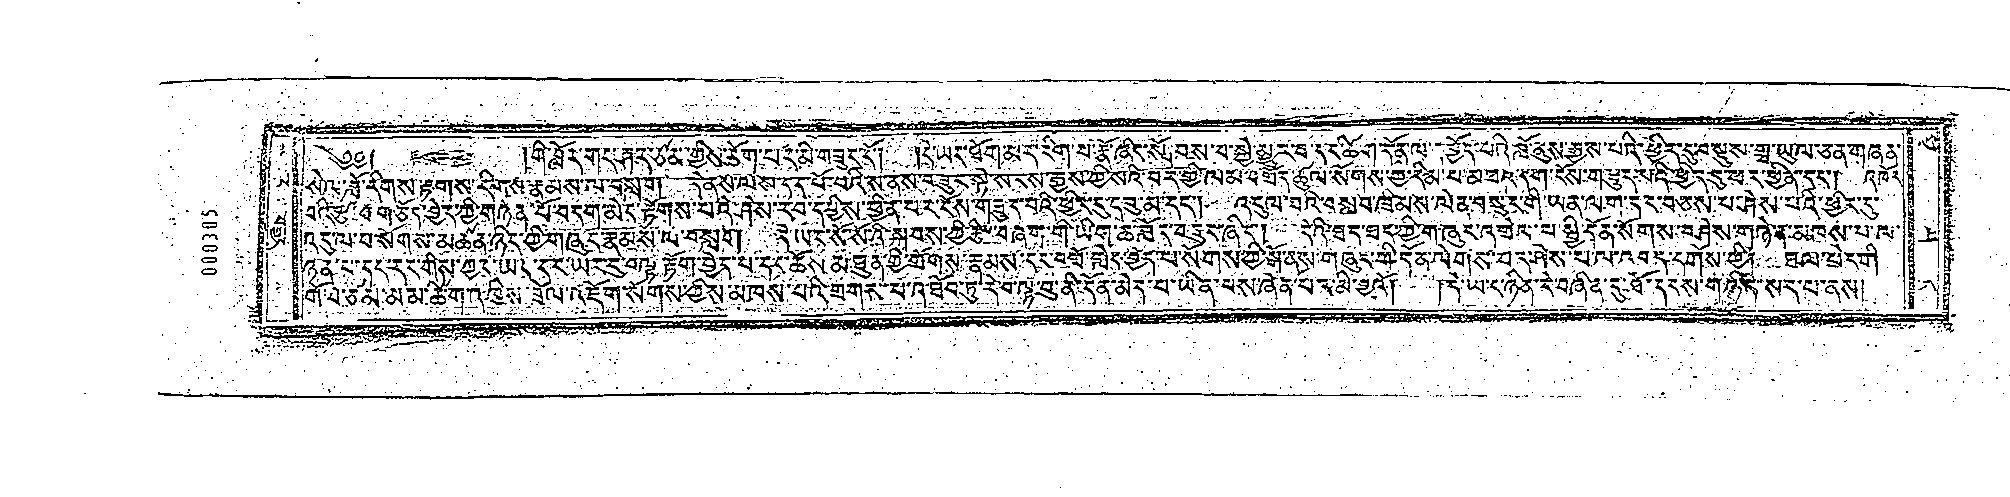༄༅། །གི་བློར་གང་ཤར་ཙམ་གྱིས་ཆོག་པར་མི་གཟུང་ངོ། །དེ་ཡང་ཐོག་མར་རིག་པ་རྣོ་ཞིང་སྤོབས་པ་སྐྱེ་མྱུར་བ་དང་ཚིག་དོན་ལ་འབྱོར་པའི་བློ་ནུས་རྒྱས་པའི་ཕྱིར་དུ་བསྡུས་གྲྭ་ཡུལ་ཅན་གཞན་
སེལ་བློ་རིགས་རྟགས་རིགས་རྣམས་ལ་བསླབ། དེ་ནས་ལས་དང་པོ་པའི་ས་ནས་བཟུང་སྟེ་སངས་རྒྱས་ཀྱི་སའི་བར་གྱི་ལམ་བགྲོད་ཚུལ་སོགས་ཀྱི་རིམ་པ་མཐའ་དག་ངོས་གཟུད་པའི་ཕྱིར་དུ་ཕར་ཕྱིན་དང་། འཁོར་
བའི་རྩ་བ་གཅོད་བྱེད་ཀྱི་གཉེན་པོ་བདག་མེད་རྟོགས་པའི་ཤེས་རབ་དབྱིས་ཕྱིན་པར་ངོས་གཟུང་བའི་ཕྱིར་དུ་དབུ་མ་དང་། འདུལ་བའི་བསླབ་ཁྲིམས་ལེན་བསྲུང་གི་ཡན་ལག་དང་བཅས་པ་ཤེས་པའི་ཕྱིར་དུ་
འདུལ་བ་སོགས་མཚན་ཉིད་ཀྱི་གཞུང་རྣམས་ལ་བསླབ། དེ་ཡང་སོ་སོ་འི་སྐབས་ཀྱི་རྩི་བཞག་གི་ཡིག་ཆ་བློར་བཟུང་ཞིང་། དེའི་ཐང་ཐང་ཀྱི་གཞུང་འགྲེལ་པ་སྤྱི་དོན་སོགས་བཤེས་གཉེན་མཁས་པ་ལ་
ཉན་པ་དང་རང་གིས་ཀྱང་ཡང་དང་ཡང་དུ་བལྟ་རྟོག་བྱེད་པ་དང་ཆོས་མཐུན་གྱི་གྲོགས་རྣམས་དང་བགྲོ་གླེང་བྱེད་པ་སོགས་ཀྱི་སྒོ་ནས་གཞུང་གི་དོན་ལེགས་པར་ཤེས་པ་ལ་འབད་དགོས་ཀྱི། ཐལ་ཕྲེང་གི་
གོ་བ་ཙམ་མམ་ཚིག་འཁྲིས་ཟོལ་འཇོག་སོགས་ཀྱིས་མཁས་པའི་གྲགས་པ་འཐོབ་ཏུ་རེ་བ་ལྟ་བུ་ནི་དོན་མེད་པ་ཡིན་པས་ཞེན་པར་མི་བྱའོ། །དེ་ཡང་ཉིན་རེ་བཞིན་དུ་ཐོ་རངས་གཉིད་སད་པ་ནས།